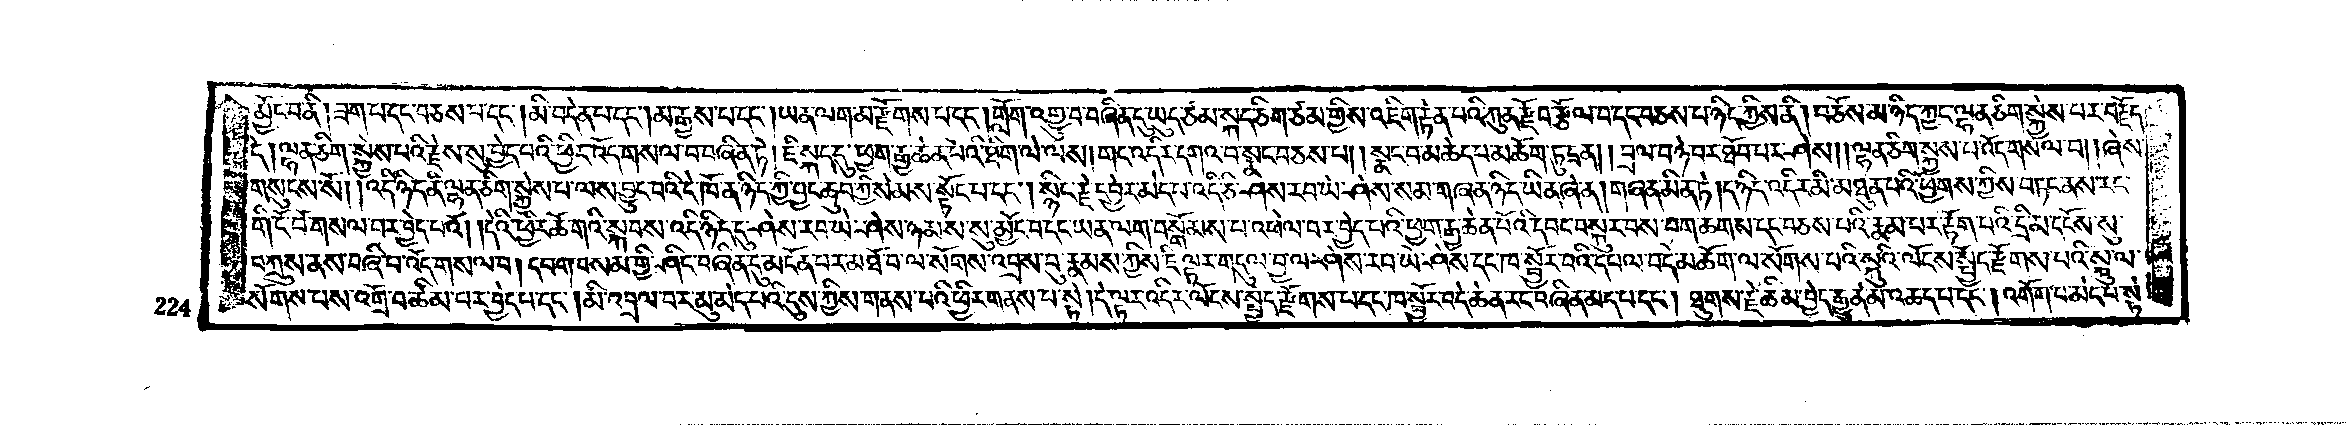མྱོང་བ་ནི། ཟག་པ་དང་བཅས་པ་དང་། མི་བདེན་པ་དང་། མ་རྒྱས་པ་དང་། ཡན་ལག་མ་རྫོགས་པ་དང་། གློག་འགྱུ་བ་བཞིན་དུ་ཡུད་ཙམ་སྐད་ཅིག་ཙམ་གྱིས་འཇིག་རྟེན་པའི་ཀུན་རྫོབ་རྩོལ་བ་དང་བཅས་པ་ཉིད་ཀྱིས་ནི། བཅོས་མ་ཉིད་ཀྱང་ལྷན་ཅིག་སྐྱེས་པར་བརྗོད་
དེ། ལྷན་ཅིག་སྐྱེས་པའི་རྗེས་སུ་བྱེད་པའི་ཕྱིར་འོད་གསལ་བ་བཞིན་ཏེ། ཇི་སྐད་དུ་ཕྱག་རྒྱ་ཆེན་པོའི་ཐིག་ལེ་ལས། གང་འདིར་དགའ་བ་སྣང་བཅས་པ། །སྣང་བ་མཆེད་པ་མཆོག་ཏུ་དྲན། །བྲལ་བ་ཉེ་བར་ཐོབ་པར་ཤེས། །ལྷན་ཅིག་སྐྱེས་པ་འོད་གསལ་བ། །ཞེས་
གསུངས་སོ། །འདི་ཉིད་ནི་ལྷན་ཅིག་སྐྱེས་པ་ལས་བྱུང་བའི་དེ་ཁོ་ན་ཉིད་ཀྱི་བྱང་ཆུབ་ཀྱི་སེམས་སྟོང་པ་དང་། སྙིང་རྗེ་དབྱེར་མེད་པ་འདི་ཅི་ཤེས་རབ་ཡེ་ཤེས་སམ་གཞན་ཉིད་ཡིན་ཞེ་ན། གཞན་མིན་ཏེ། དེ་ཉིད་འདིར་མི་མཐུན་པའི་ཕྱོགས་ཀྱིས་བཏང་ནས་རང་
གི་ངོ་བོ་གསལ་བར་བྱེད་པའོ། །དེའི་ཕྱིར་ཆོ་གའི་སྐབས་འདི་ཉིད་དུ་ཤེས་རབ་ཡེ་ཤེས་ཉམས་སུ་མྱོང་བ་དང་ཡན་ལག་བསྒོམས་པ་འཕེལ་བར་བྱེད་པའི་ཕྱག་རྒྱ་ཆེན་པོའི་དབང་བསྐུར་བས་བག་ཆགས་དང་བཅས་པའི་རྣམ་པར་རྟོག་པའི་དྲི་མ་དངོས་སུ་
བཀྲུས་ནས་བཞི་པ་འོད་གསལ་བ། དཔག་བསམ་གྱི་ཤིང་བཞིན་དུ་མངོན་པར་མཐོ་བ་ལ་སོགས་འབྲས་བུ་རྣམས་ཀྱིས་ཇི་ལྟར་གདུལ་བྱ་ལ་ཤེས་རབ་ཡེ་ཤེས་དང་ཁ་སྦྱོར་བའི་དཔལ་བདེ་མཆོག་ལ་སོགས་པའི་སྐུའི་ལོངས་སྤྱོད་རྫོགས་པའི་སྐུ་ལ་
སོགས་པས་འགྲོ་བ་ཚིམ་པར་བྱེད་པ་དང་། མི་འབྲལ་བར་མུ་མེད་པའི་དུས་ཀྱིས་གནས་པའི་ཕྱིར་གནས་པ་སྟེ། དེ་ལྟར་འདིར་ལོངས་སྤྱོད་རྫོགས་པ་དང་ཁ་སྦྱོར་བདེ་ཆེན་རང་བཞིན་མེད་པ་དང་། ཐུགས་རྗེ་ཚིམ་བྱེད་རྒྱུན་མི་འཆད་པ་དང་། འགོག་པ་མེད་པ་སྟེ་